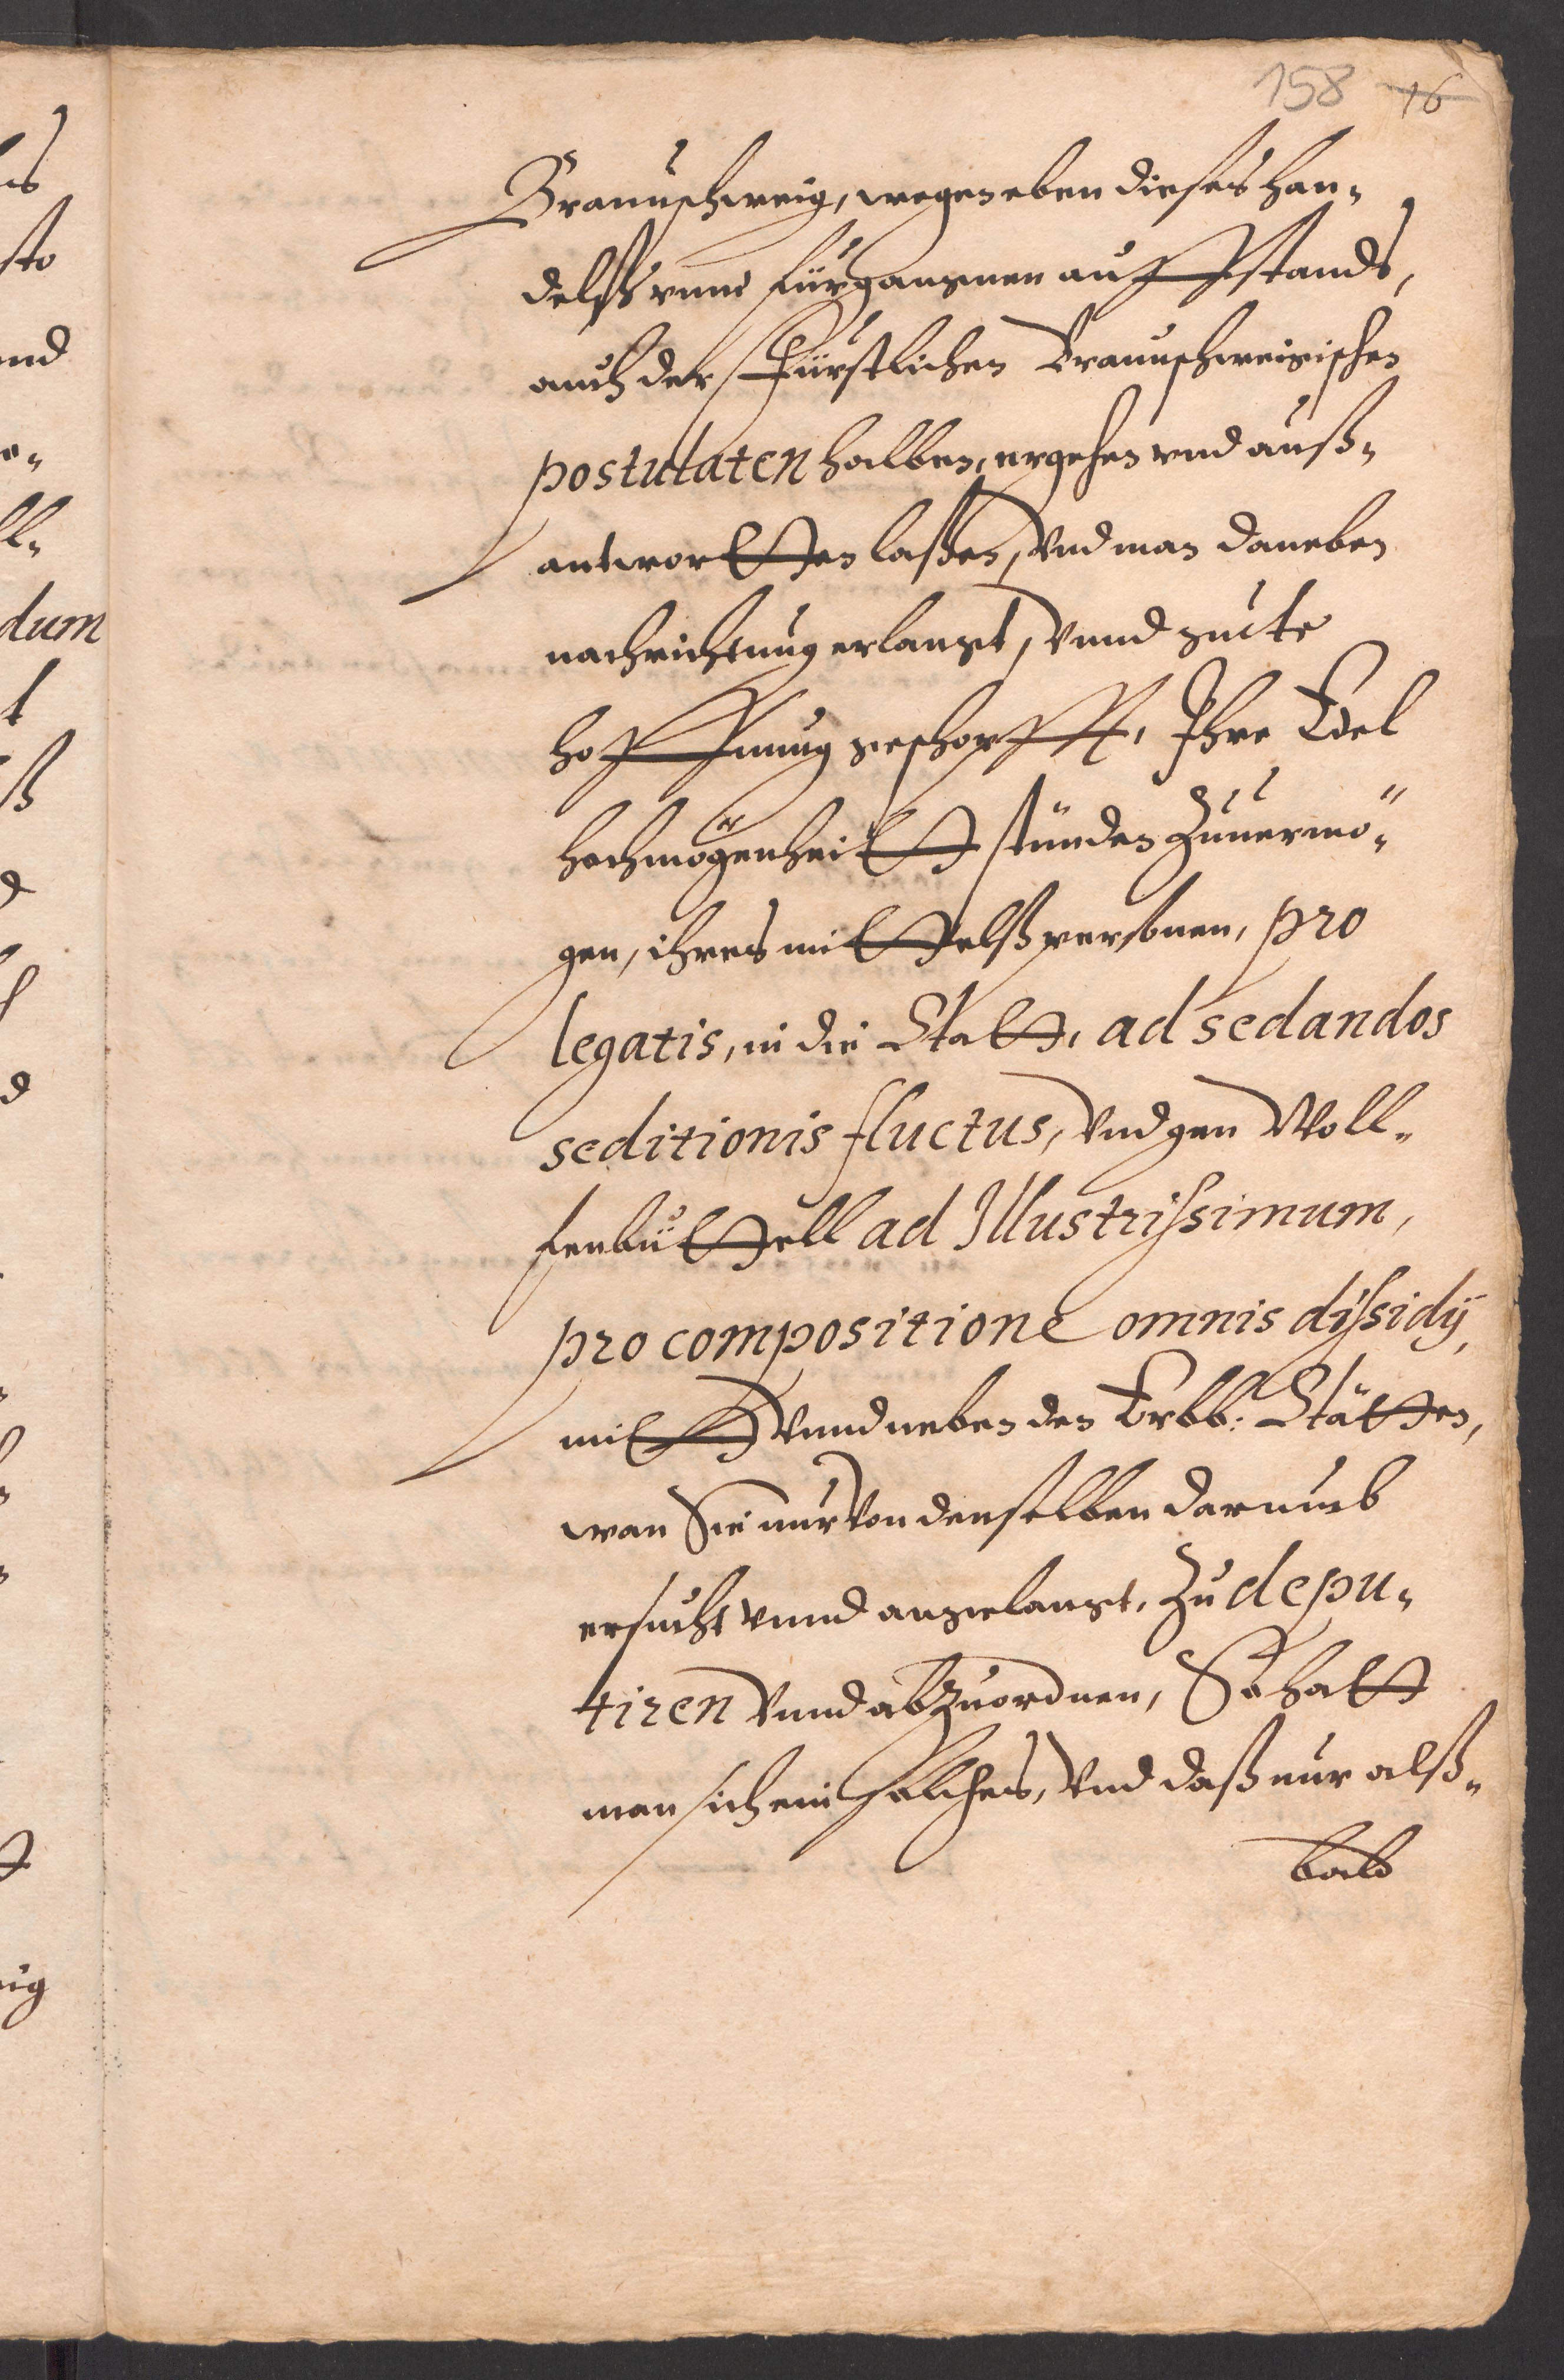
16
Braunschweig, wegen eben dieses han¬
delß vnnd fürgangnen auffstands,
auch der fürstlichen Braunschweigischen
postulaten halben, ergehen vnd auß¬
antwortten laßen, vnd man daneben
nachrichtung erlangt, vnnd gute
hoffnung geschorfft, Ihre Edel
hochmögenheitt stünden zuuermö¬
gen, ihres mittelß personen, pro
legatis, in die Statt, ad sedandos
seditionis fluctus, vnd gen Woll¬
fenbüttell ad Illustrissimum,
pro compositione omnis dissidij,
mitt vnnd neben den Erbb: Stätten,
wan Sie nur von denselben darumb
ersucht vnnd angelangt, zu depu¬
tiren vnnd abzuordnen, So hatt
man sich ein solches, vnd daß nur alß¬
bald
